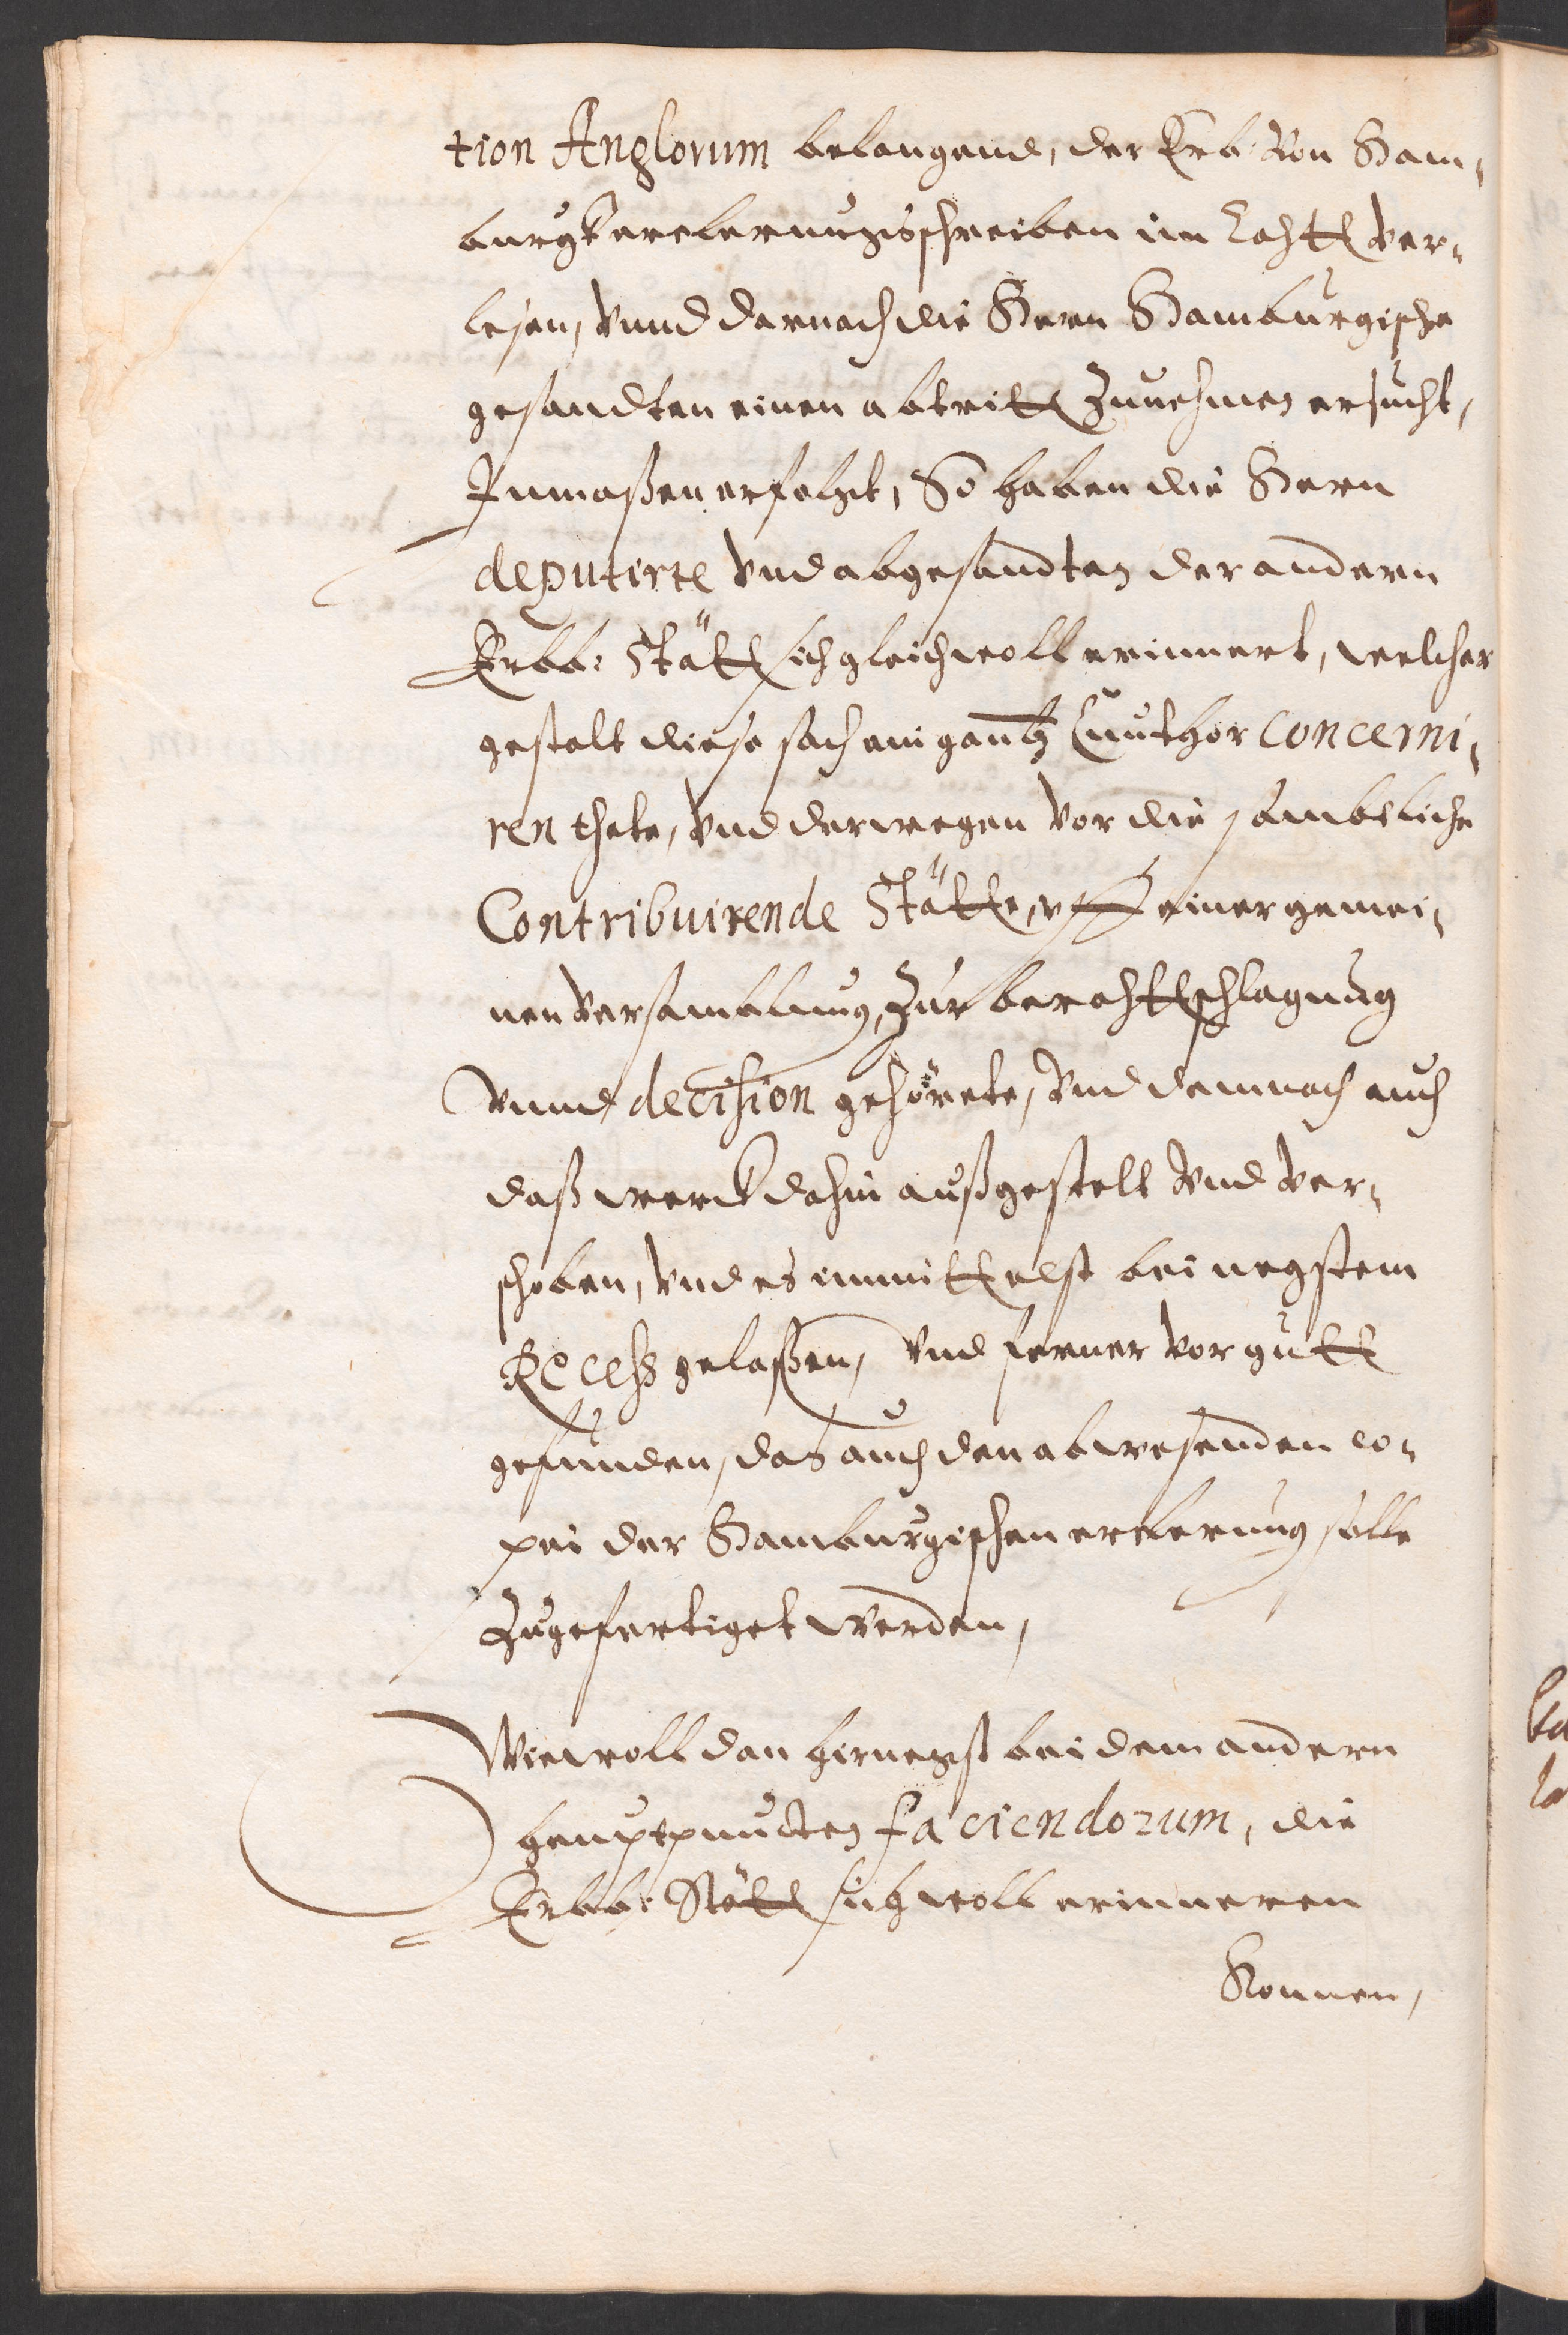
tion Anglorum belangend, der Erb: Von Ham¬
burgk erelerungsschreiben im rahtt ver¬
lesen, vnnd darnach die Hern Hamburgische
gesandten einen abtritt zunehmen ersucht,
Jnmaßen erfolgt, So haben die Hern
deputirte vnd abgesandten der andern
Erbb: Stätt sich gleichwoll erinnert, welcher
gestalt diese sach ein gantz Cunthor concerni¬
ren thate, vnd derwegen vor die sambtliche
Contribuirende Stätte, vff einer gemei¬
nen versamblung, Zur berahttschlagung
vnnd decision gehörete, vnd demnach auch
daß werck dahin außgestelt vnd ver¬
schoben, vnd es immittelst bei negstem
Recess gelaßen, Vnd ferner vor gutt
gefunden, das auch den abwesenden co¬
pei der Hamburgischen erelerung solle
Zugefertiget werden,
Wiewoll dan hirnegst bei dem andern
hauptpuncten faciendorum, die
Erbb: Stätt sich woll erinneren
konnen,
